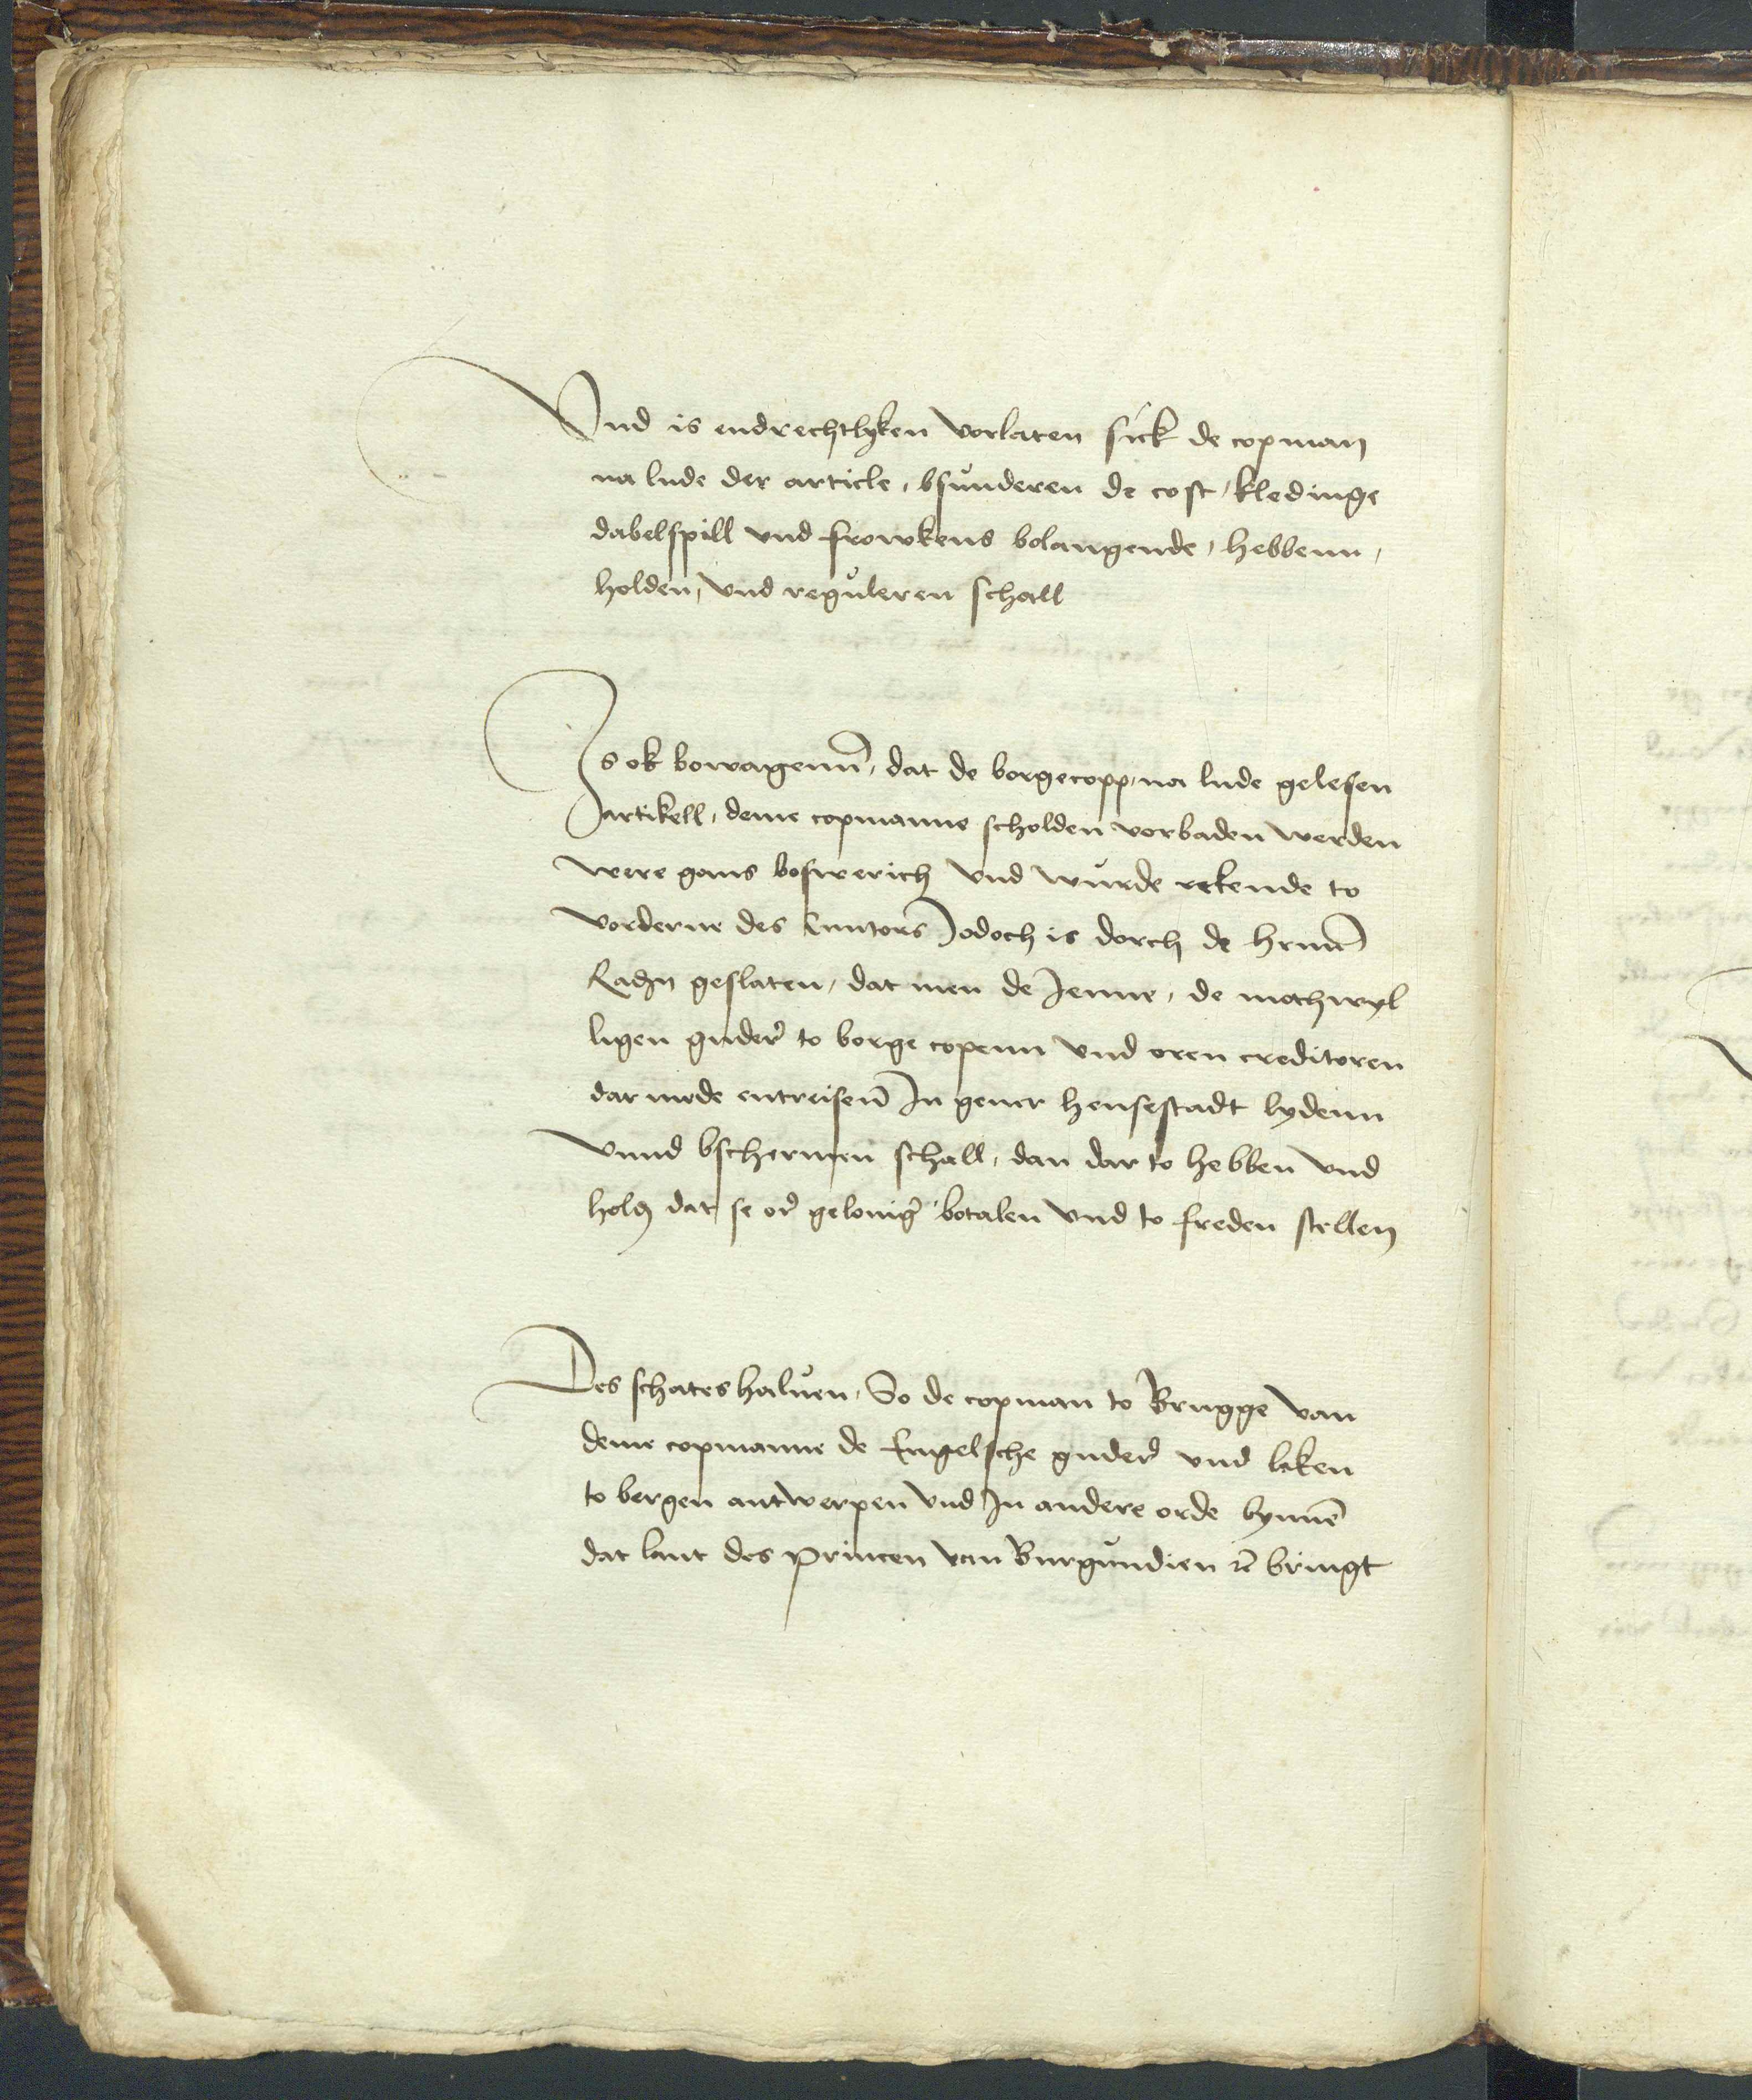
Vnd is endrechtlyken vorlaten sick de copman
na lude der article, bsunderen de cost, kledinge
dabelspill vnd frowkens bolangende, hebbenn,
holden, vnd reguleren schall
Js ok bowagenn, da de borgecopp, na lude gelesen
artikell, deme copmanne scholden vorbaden werden
were gans boswerich vnd wurde rekende to
vorderne des Cuntors Jodoch is dorch de hernn
Radessendebaden geslaten, dat men de Jenne, de mothwyl¬
lygen guder to borge copenn vnd oren creditoren
darmede entreisen Jn gener hensestadt lydenn
vnnd bschermen schall, dan dar to hebben vnd
holden dat se ore gelouiger botalen vnd to freden stellen
Des schates haluen, So de copman to Brugge van
deme copmanne de Engelsche guder vnd laken
to bergen antwerpen vnd Jn andere orde bynnen
dat lant des princen van Burgundien etc bringt
